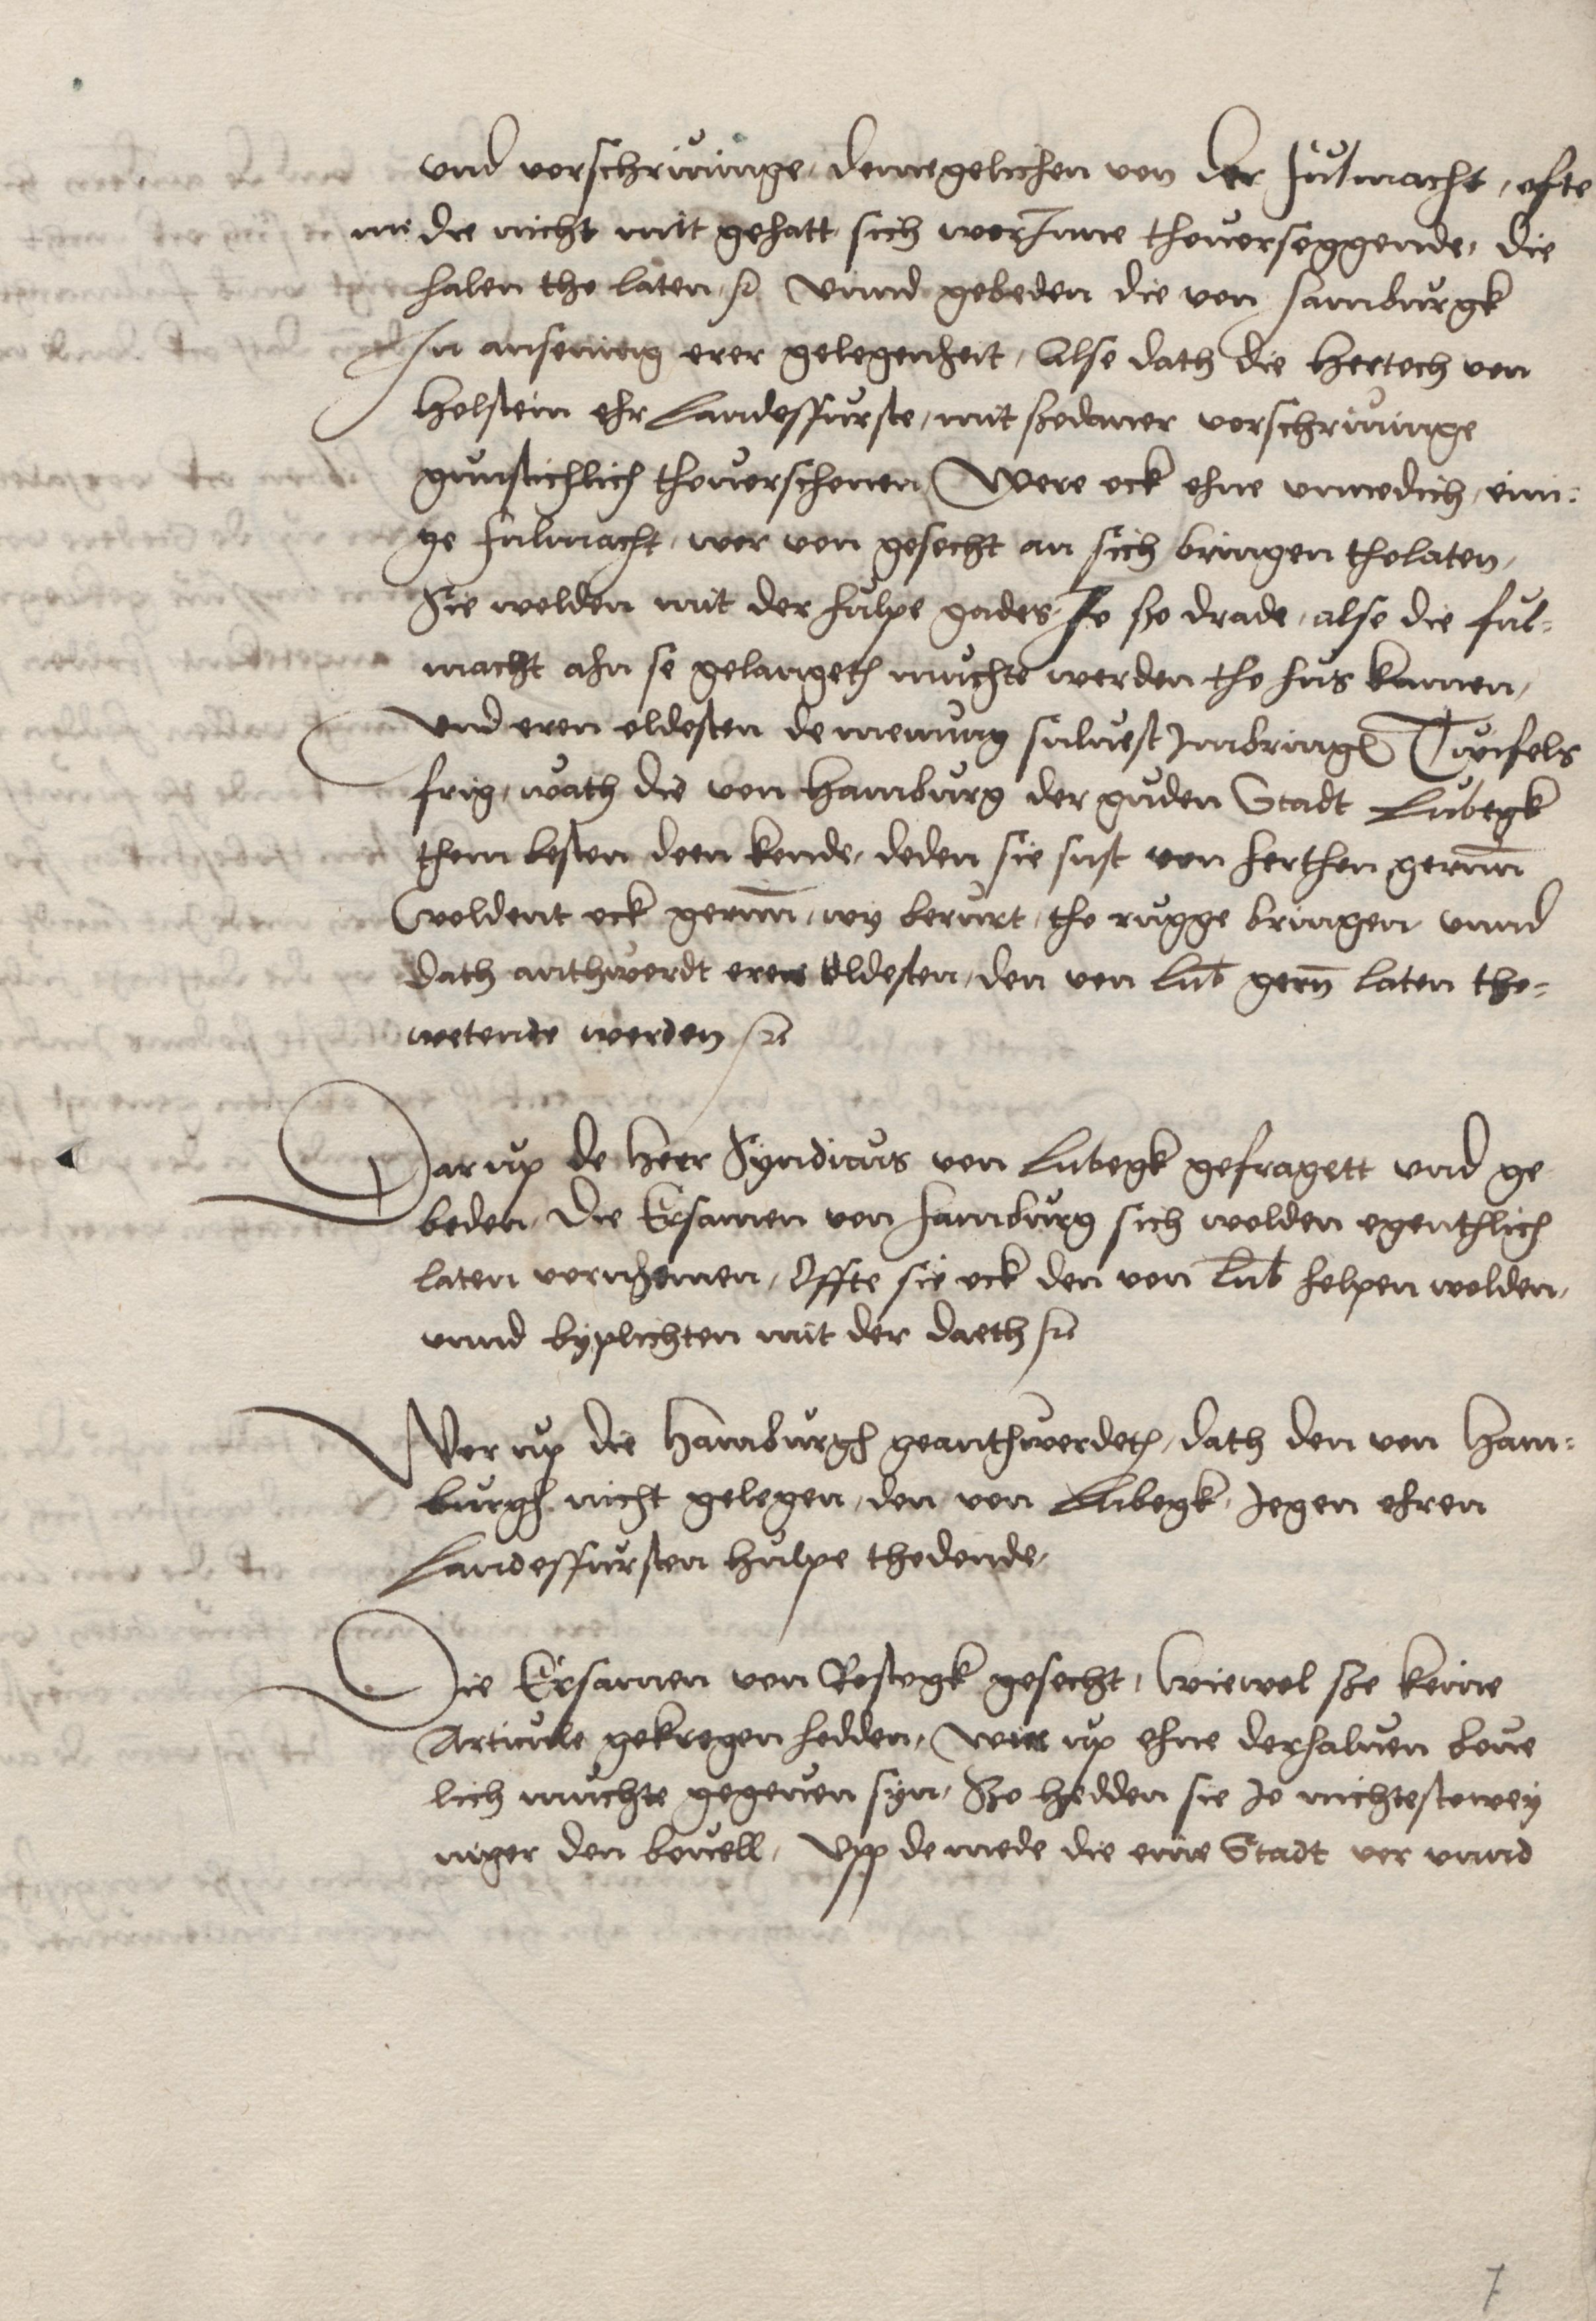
vnd vorschriuinge, demegelichen von der Fulmacht, ofte
me de nicht mit gehatt sich worinne thouorseggende, die
halen tho laten, etc vnnd gebeden die von hamburgk
In ansening erer gelegenheit, Alse dath die Hertoch von
Holstein ehr Landesfurste, mit ßodaner vorschriuinge
gunstichlich thouorschonen, Were ock ehne unnodich, eini¬
ge Fulmacht, wor von gesecht an sich bringen tholaten,
Sie wolden mit der hulpe gades, Jo ßo drade, alse die ful¬
macht ahn se gelangeth muchte werden tho hus kamen,
vnd eren oldesten de meinung suluest Innbringen Twifels
frig, wath die von Hamburg der guden Stadt Lubegk
thom besten doen konde, deden sie sust von herthen gernn
woldent ock gernn, wy berurt, tho rugge bringen, vnnd
dath anthwordt eren oldesten, den von Lubegk gernn laten tho¬
wetende werden etc
Darup de Heer Syndicus von Lubeck gefragett vnd ge
beden, Die Ersamen von Hamburg sich wolden egenthlich
laten vornhemen, Offte sie ock den von Lubegk helpen wolden,
vnnd bijplichten mit der daeth etc
Wor up die Hamburgh geanthwerdeth, dath den von Ham¬
burgh nicht gelegen, den von Lubegk, Jegen ehren
Landesfursten hulpe thodonde,
Die Ersamen von Rostogk gesecht, wiewol ße keine
Articule gekregen hedden, were up ehne derhaluen beue
lich muchte gegeuen sijn, Szo hedden sie jo nichtestoweij
niger den beuell, Vpp de mede die eine Stadt vor vnnd
